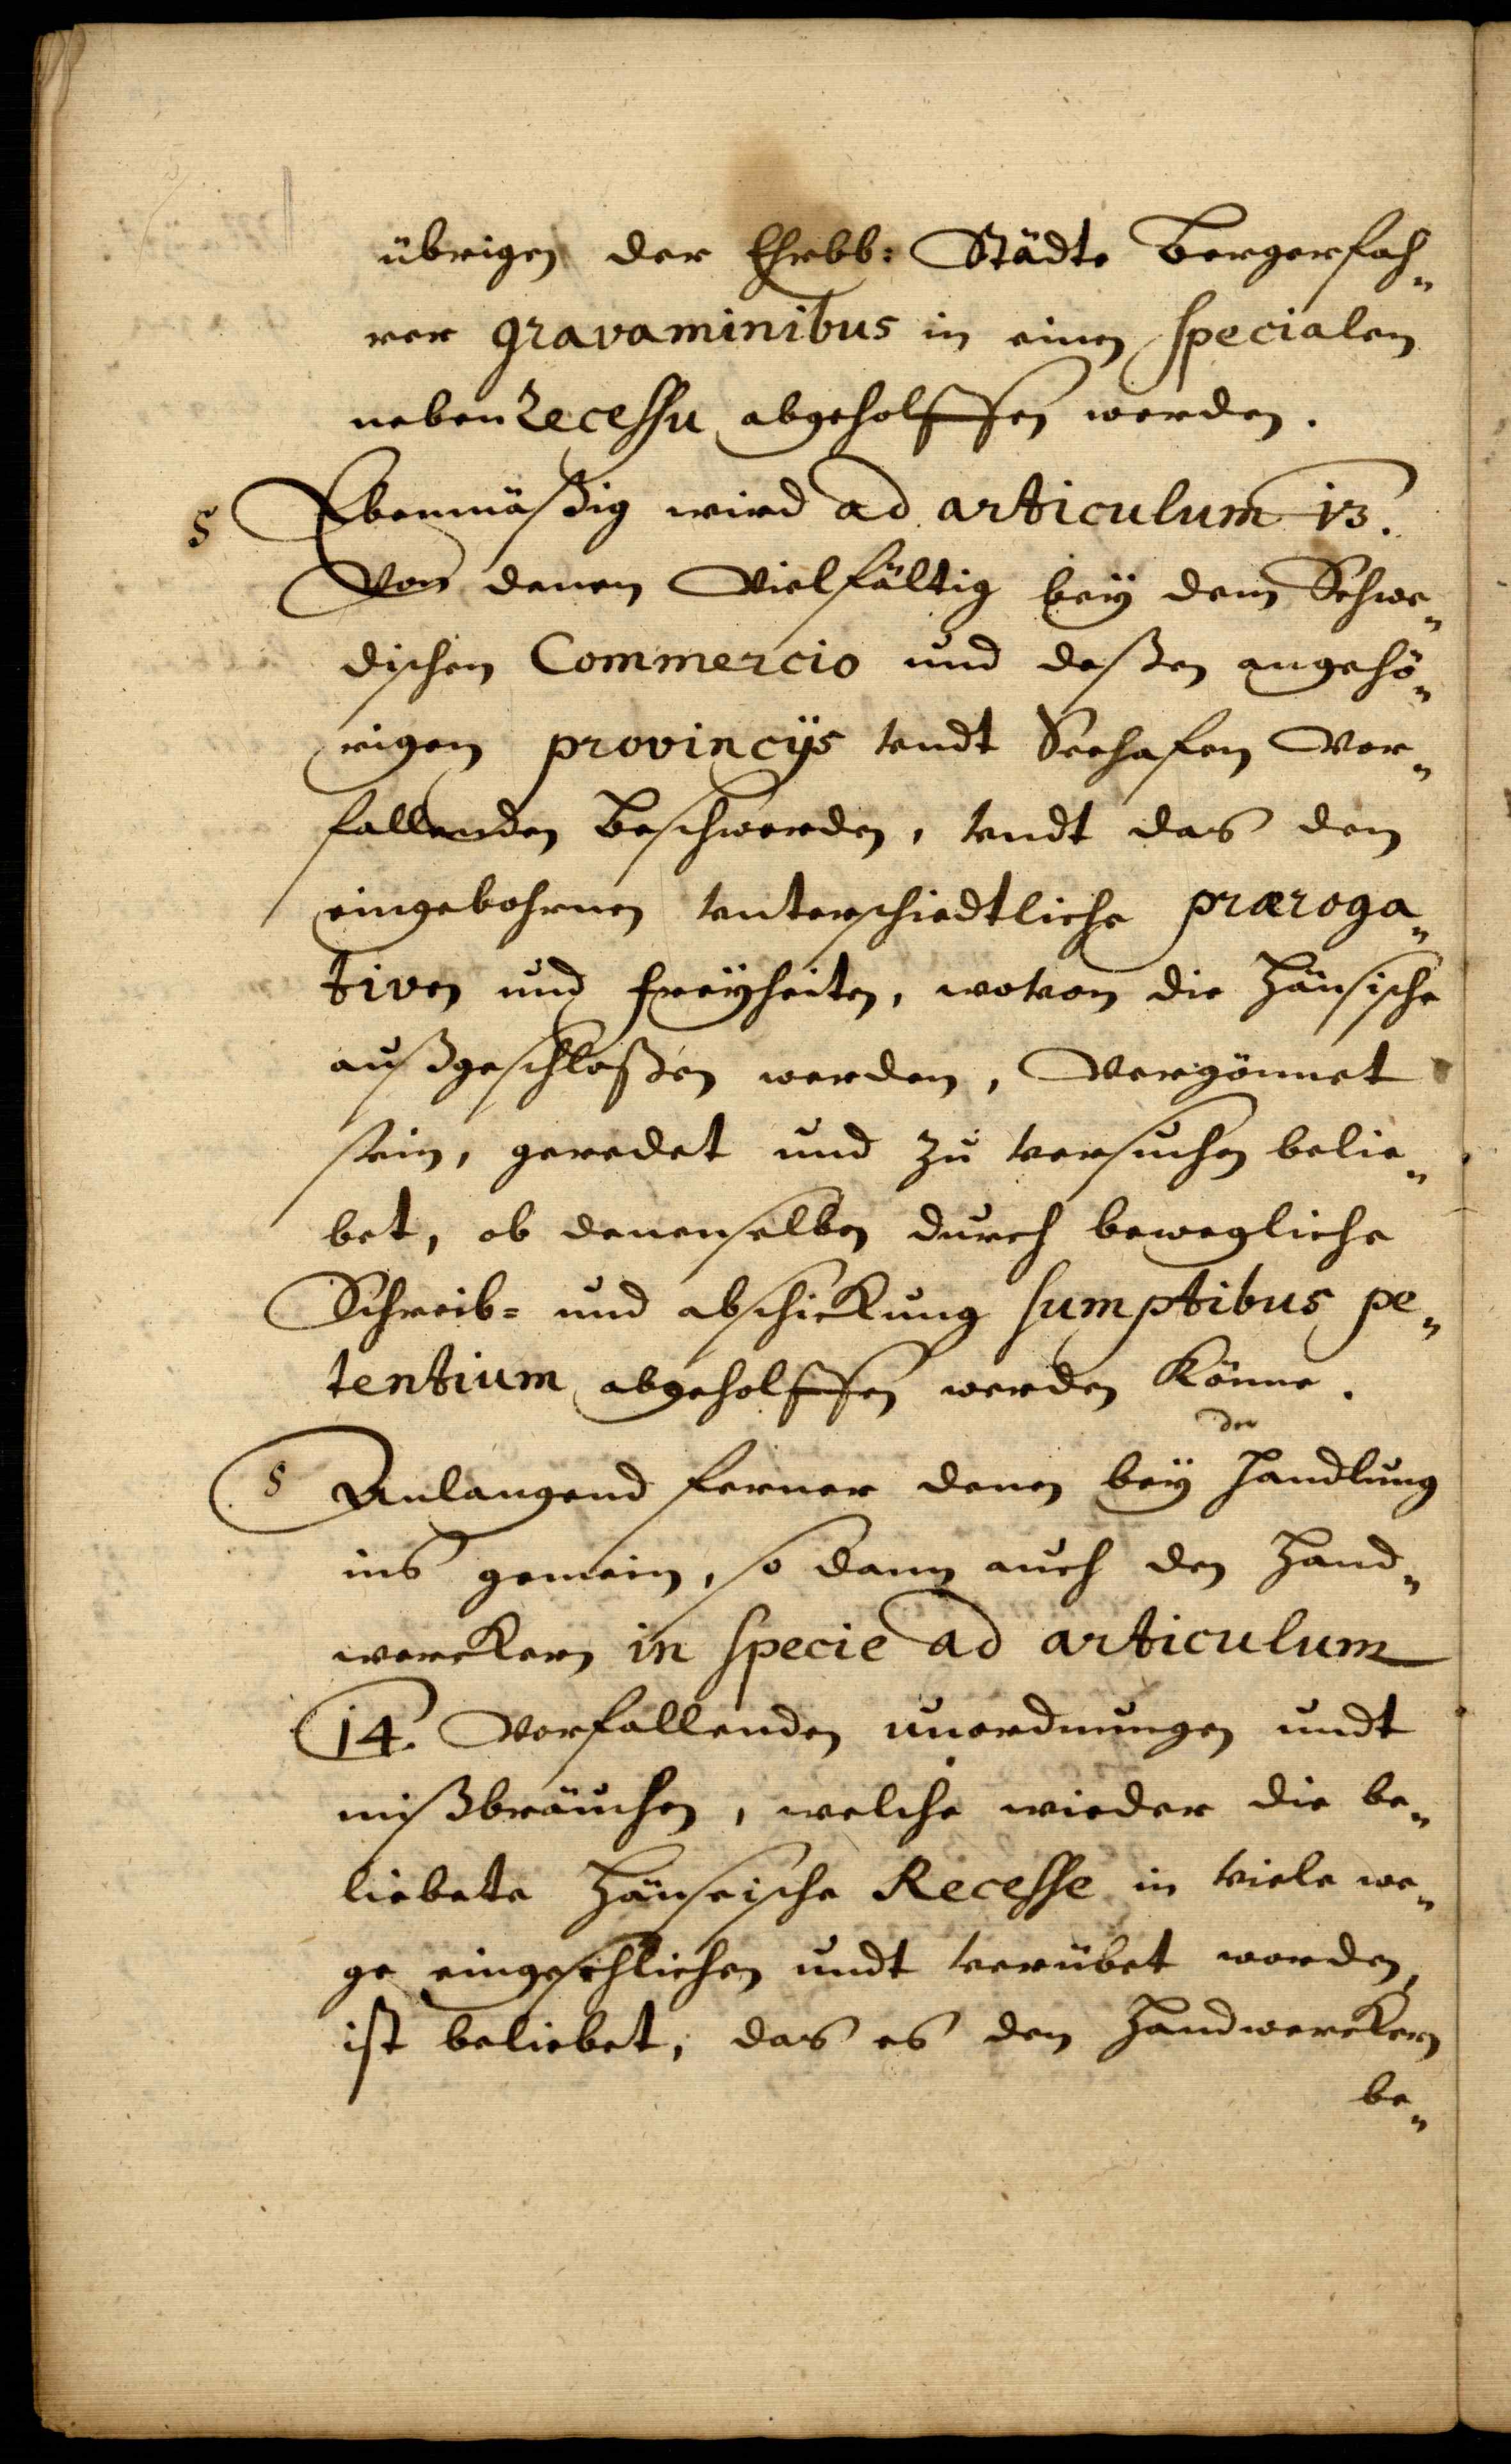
übrigen der Ehrbb: Städte Bergerfah¬
rer gravaminibus in einen specialen
nebenrecessu abgeholffen werden.
Ebenmäßig wird ad articulum 13.
von denen vielfältig beij dem Schwe¬
dischen Commercio und deßen angehö¬
rigen provincijs vndt Seehafen vor¬
fallenden Beschwerden, vndt das den
eingebohrnen vnterschiedtliche praeroga¬
tiven und freijheiten, wovon die Hänsische
außgeschloßen werden, vergönnet
sein, geredet und zu versuchen belie¬
bet, ob denenselben durch bewegliche
Schreib= und abschickung sumptibus pe¬
tentium abgeholffen werden könne.
der
Anlangend ferner denen beij Handlung
ins gemein, so dann auch den Hand¬
werckern in specie ad articulum
14. vorfallenden unordnungen undt
mißbräuchen, welche wieder die be¬
liebete Hänseische Recesse in viele we¬
ge eingeschlichen undt verübet worden,
ist beliebet, das es den Handwerckern
be¬
